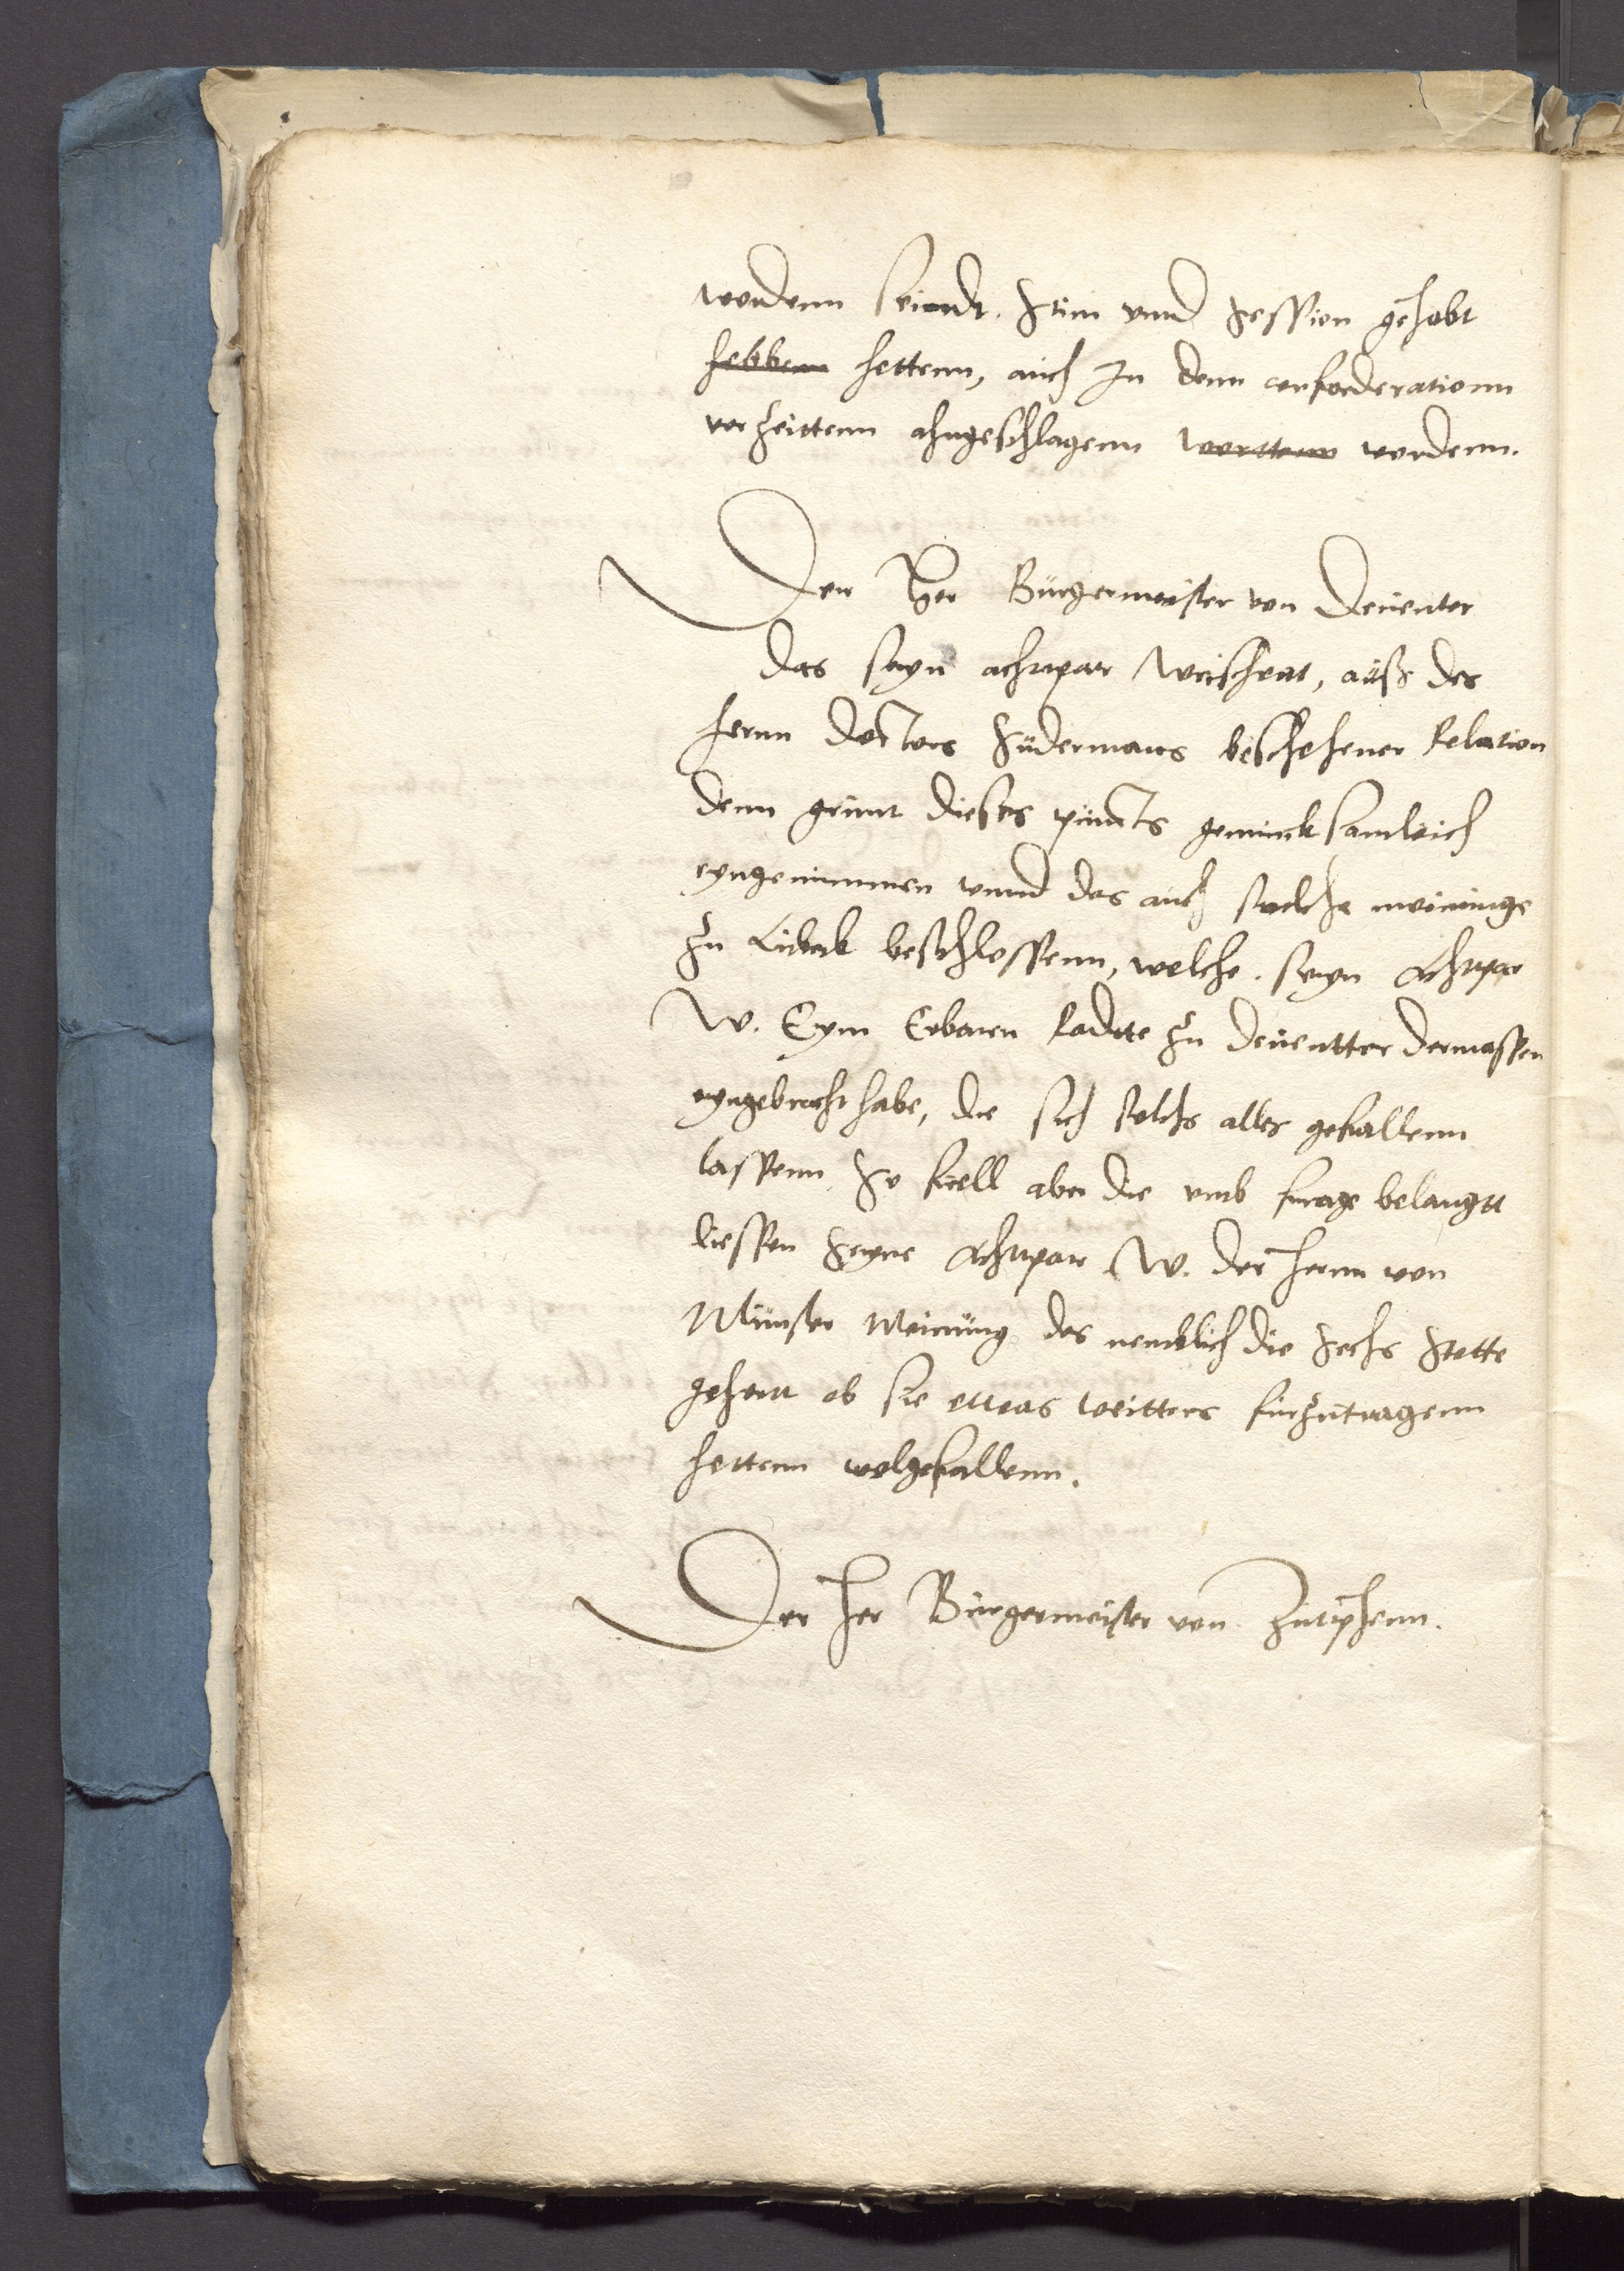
wordenn seidt Stim vnnd Session gehabt
hebbenn hettenn, auch Jn denn confoederationn
vorzeittenn ahngeschlagenn worttenn werdenn,
Der Her Burgermeister von Deuenter
das seyn achtpar weischett, auß des
heren Doctors Sudermans beschehener Relation
denn grunt dieses puncts genunck samleich
eyngenummen vnnd das auch solche meinunge
zu Lubeck beschlossenn, welche seyn achtpar
W: Eyn Erbarn Radtte zu Deuentter dermassen
eyngebracht habe, die sich solchs alles gefallenn
lassenn So fiell aber die vmb furge belangtt
liessen Seyne achtpar w. der hernn von
Munster Meinung des nemblich die sechs Stette
geheitt ob sie etwas weitters furzutragenn
hettenn wolgefallenn.
Der her Burgermeister von Zutphenn
